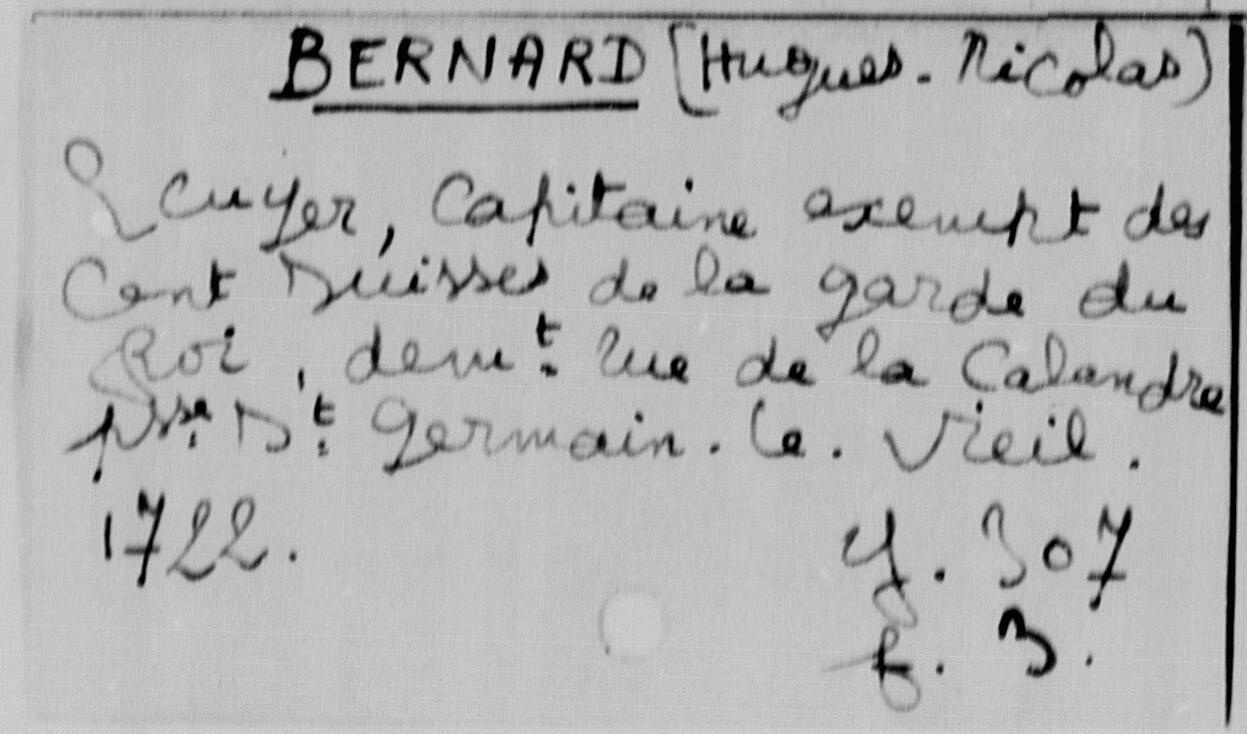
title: BERNARD (Hugues-Nicolas)
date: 1722
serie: Y
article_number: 307
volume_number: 3
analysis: Écuyer, Capitaine exempt des Cent Suisses de la garde du Roi, demeurant rue de la Calandre, paroisse Saint-Germain-le-Vieil.
